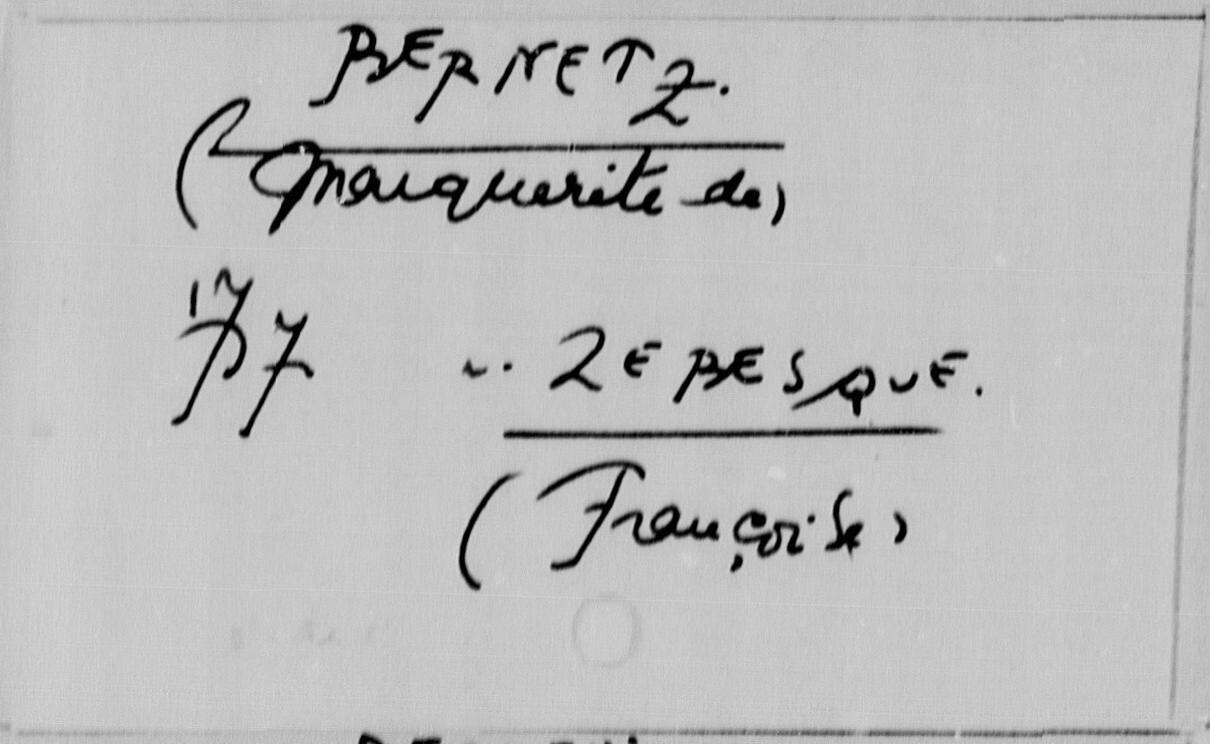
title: BERNETZ (Marguerite de)
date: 1707
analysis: Voir LEBESQUE (Françoise)
